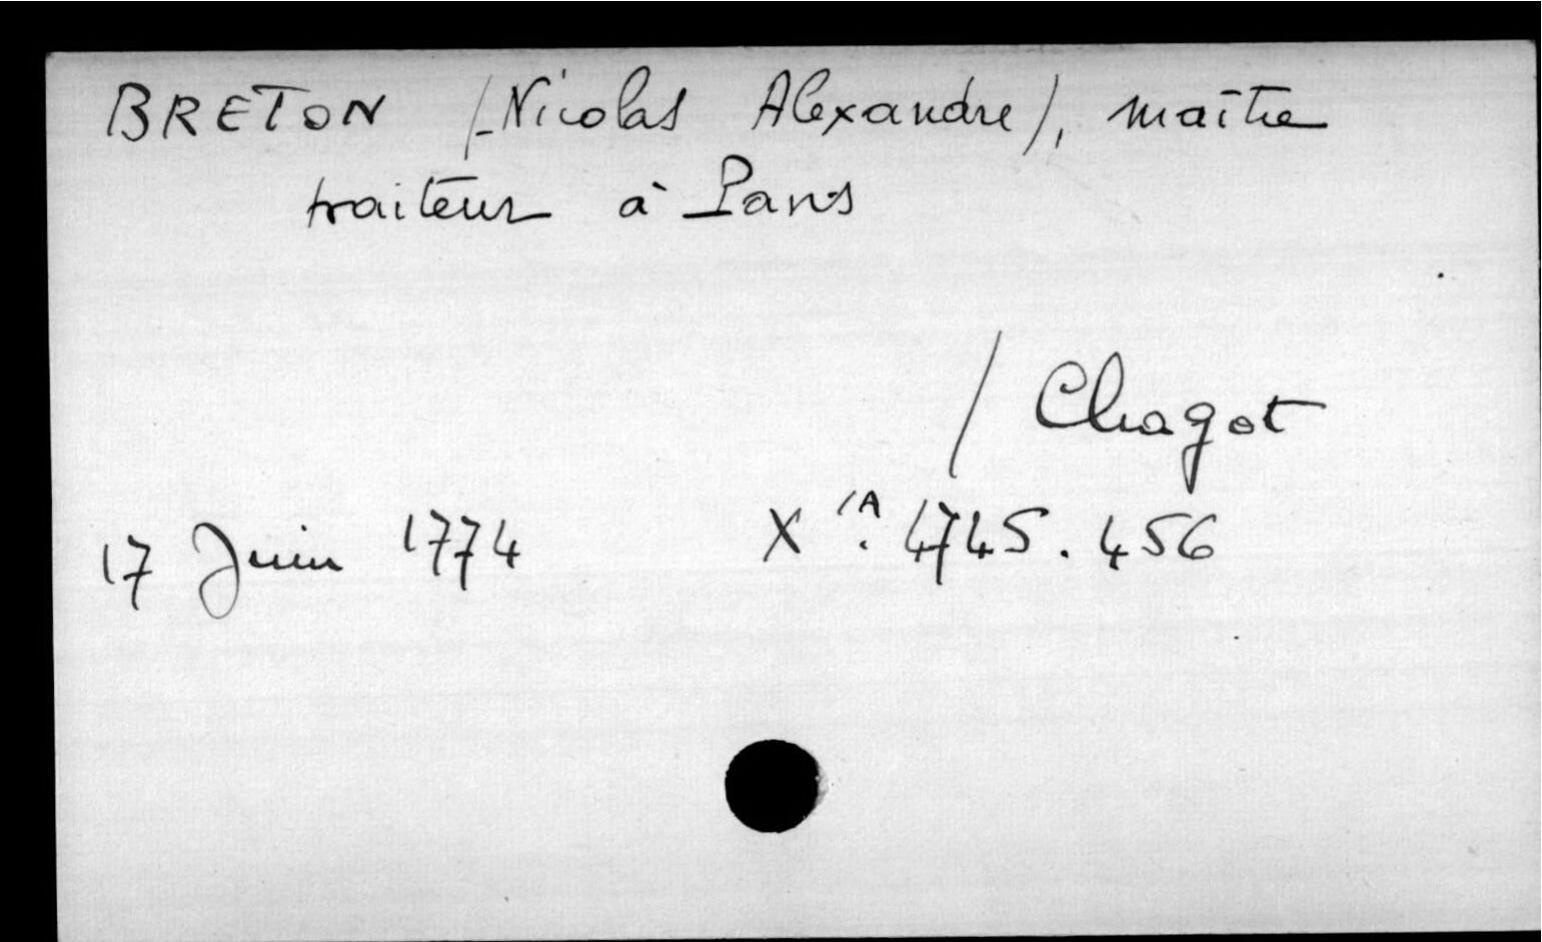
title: BRETON (Nicolas Alexandre), maître traiteur à Paris
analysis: Contre Chagot
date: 17 juin 1774
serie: X1A
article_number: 4745
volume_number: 456
